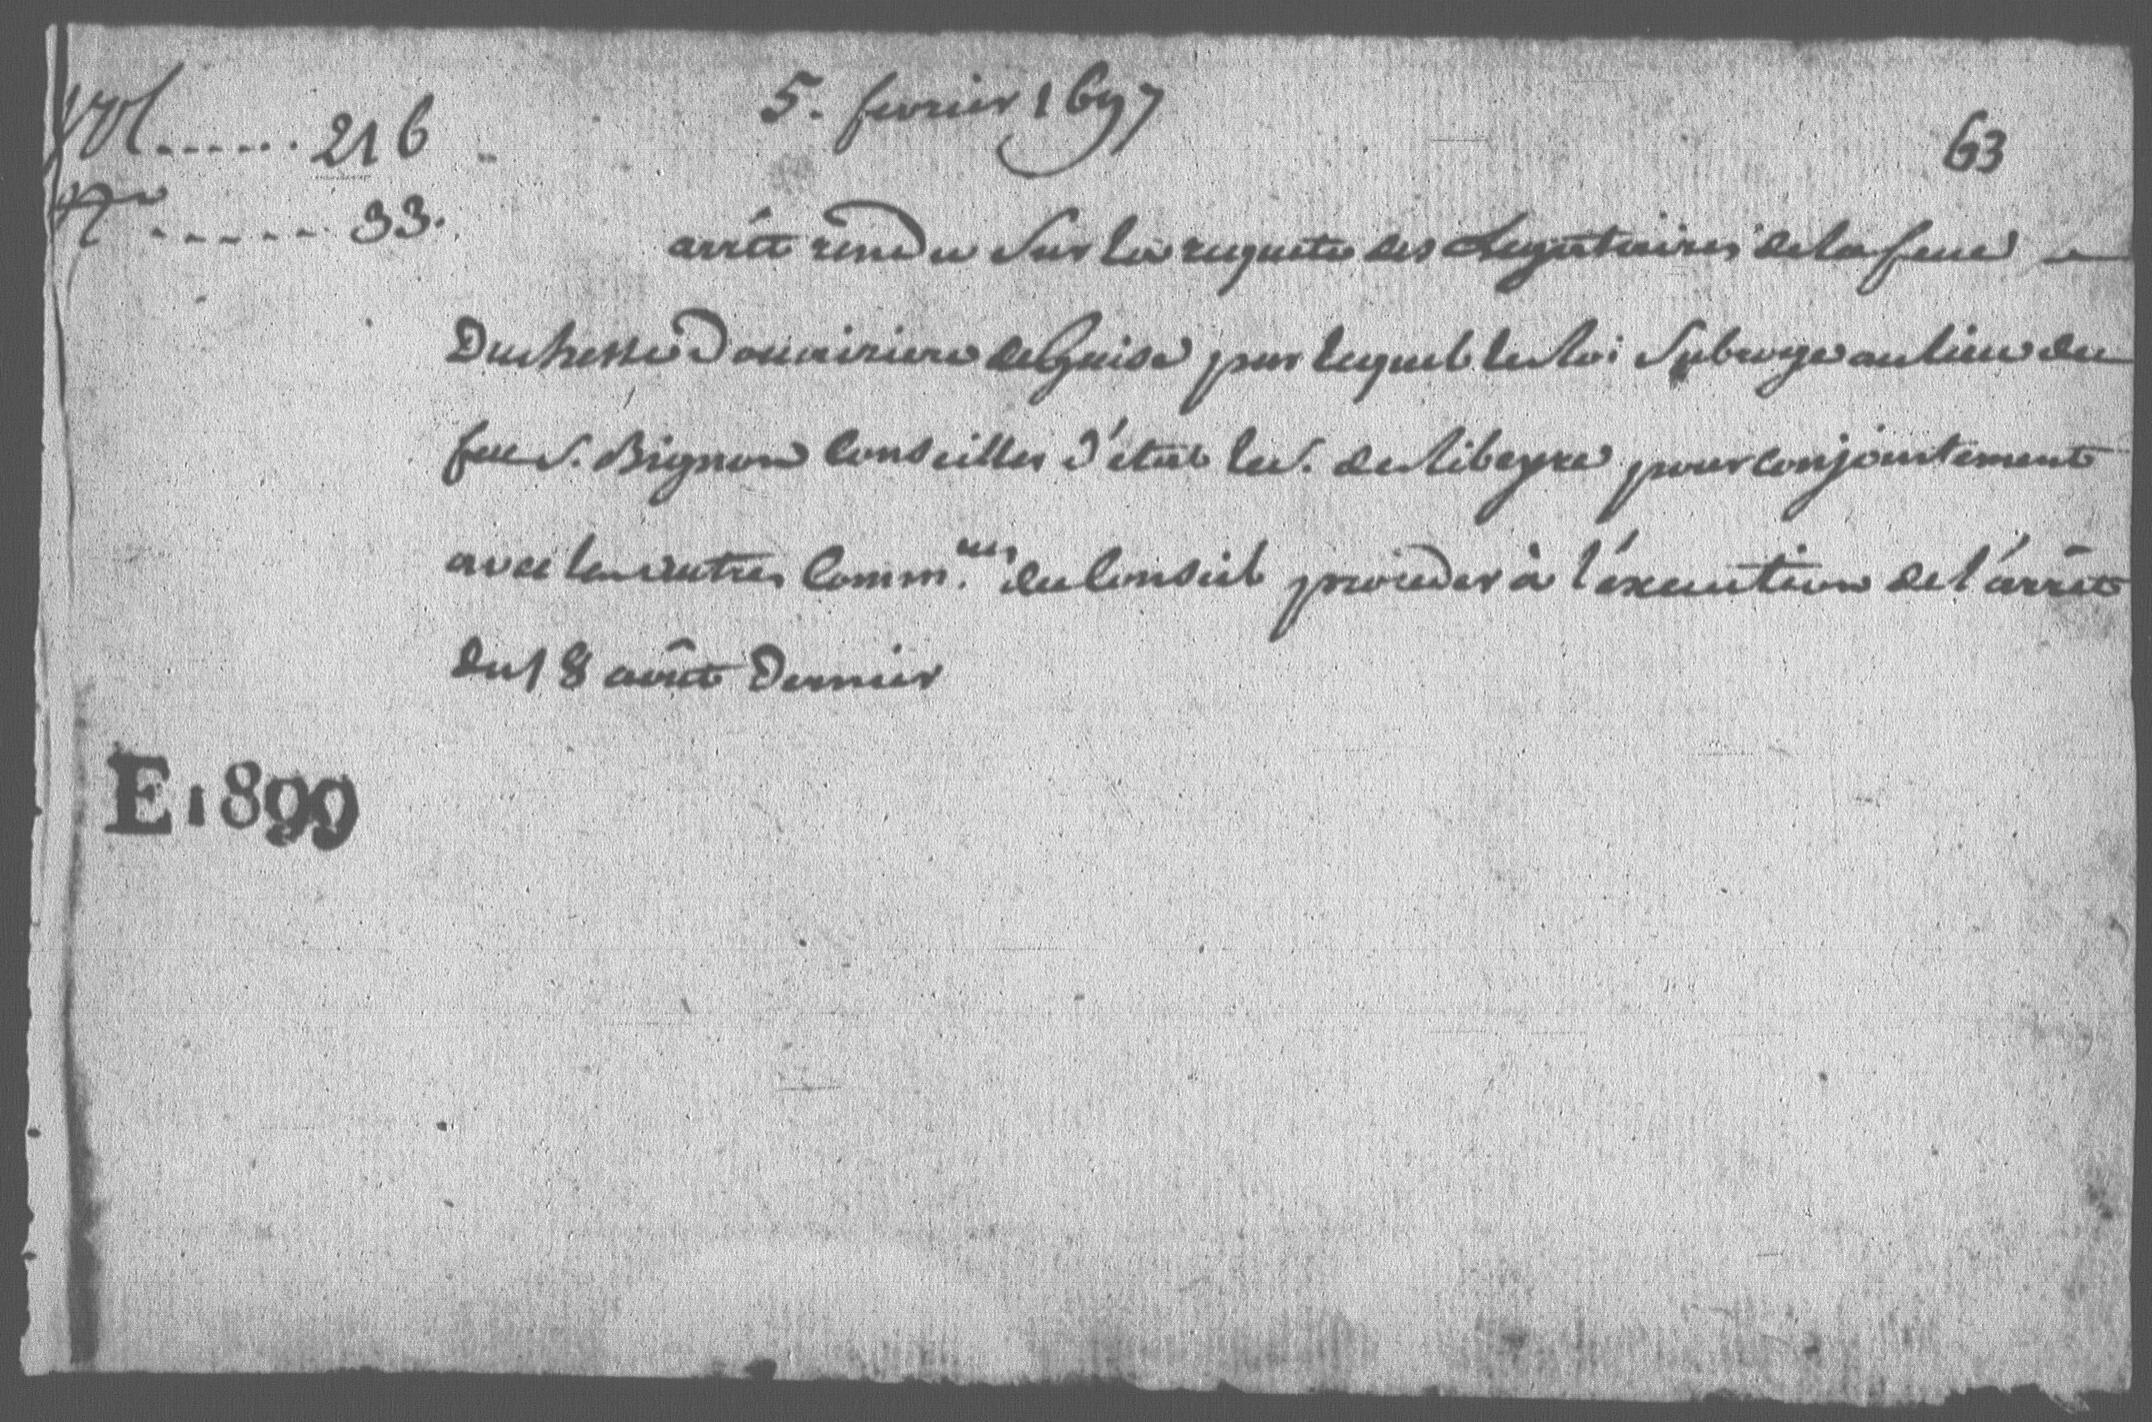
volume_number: n°33
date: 5 février 1697
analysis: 63
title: arrêt rendu sur la requête des Legataires de la feue Duchesse douairiere de Guise par lequel le Roi subroge au lieu du feu S. Bignon Conseiller d'etat le S. de Ribeyre pour conjointement avec les autres comm.res du Consiil proceder à l'execution de l'arrêt du 18 août dernier
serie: E
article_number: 1899
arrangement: vol. 216
